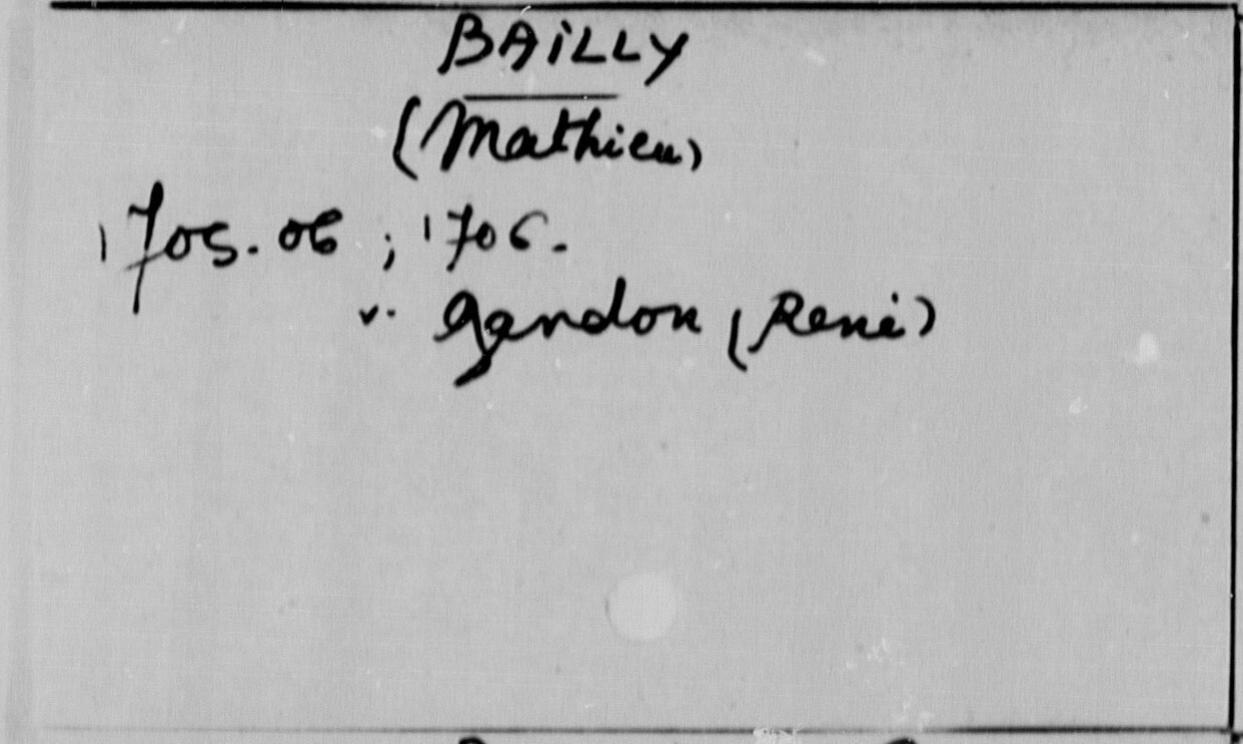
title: BAILLY (Mathieu)
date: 1705-1706 ; 1706
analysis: Voir Gendon (René)
